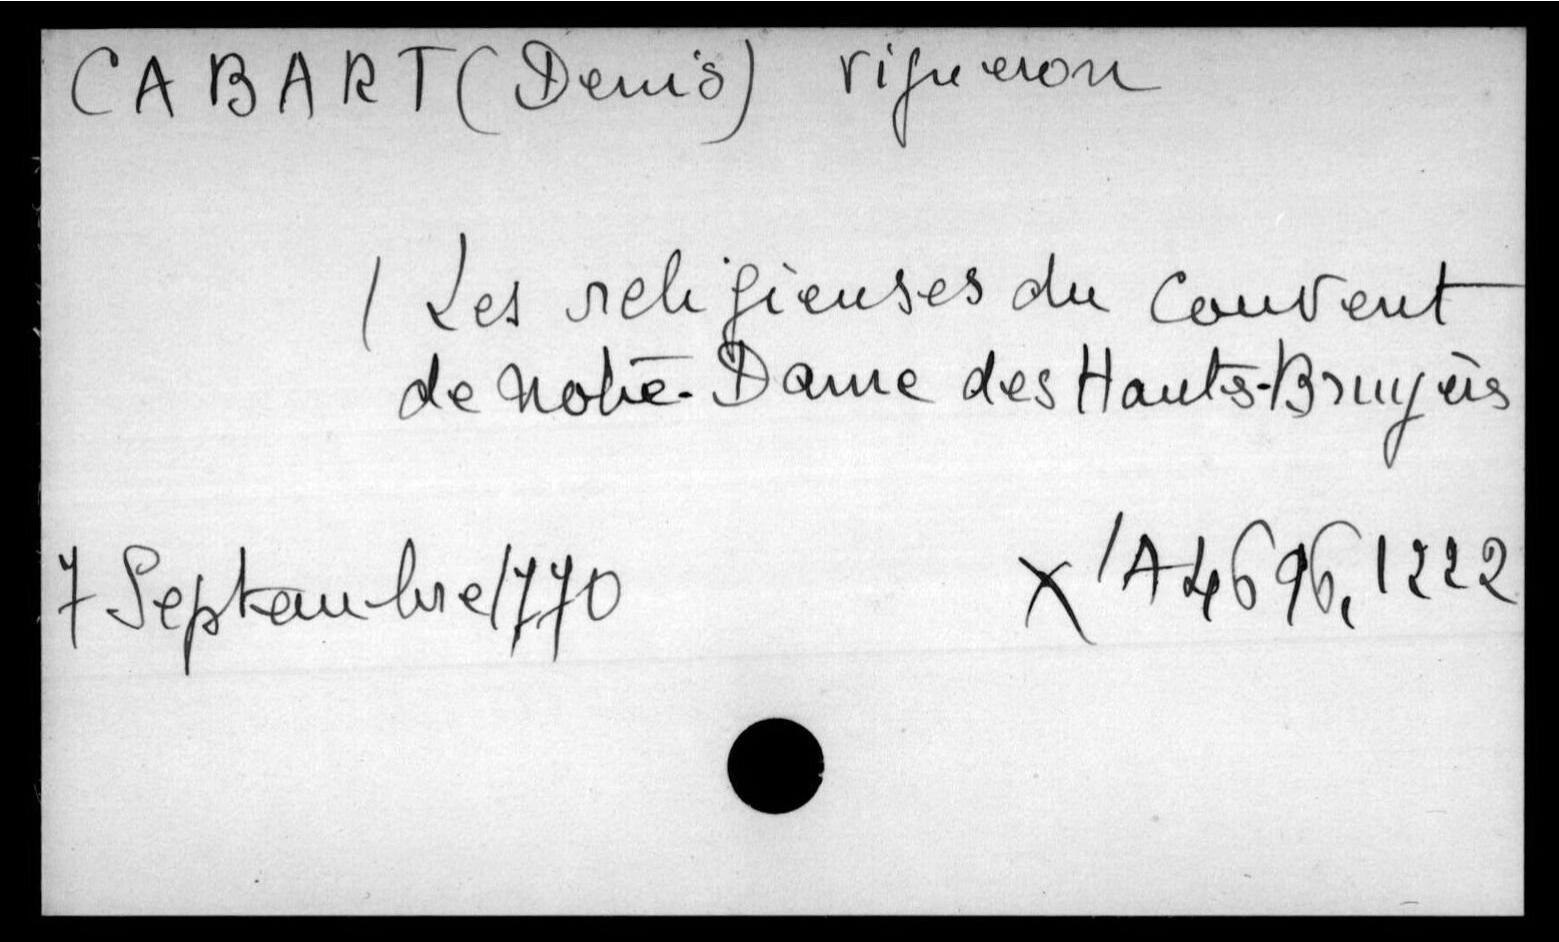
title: CABART (Denis), vigneron
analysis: Contre les religieuses du couvent de Notre-Dame des Hautes-Bruyères
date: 7 septembre 1770
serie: X1A
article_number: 4696
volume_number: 1222
